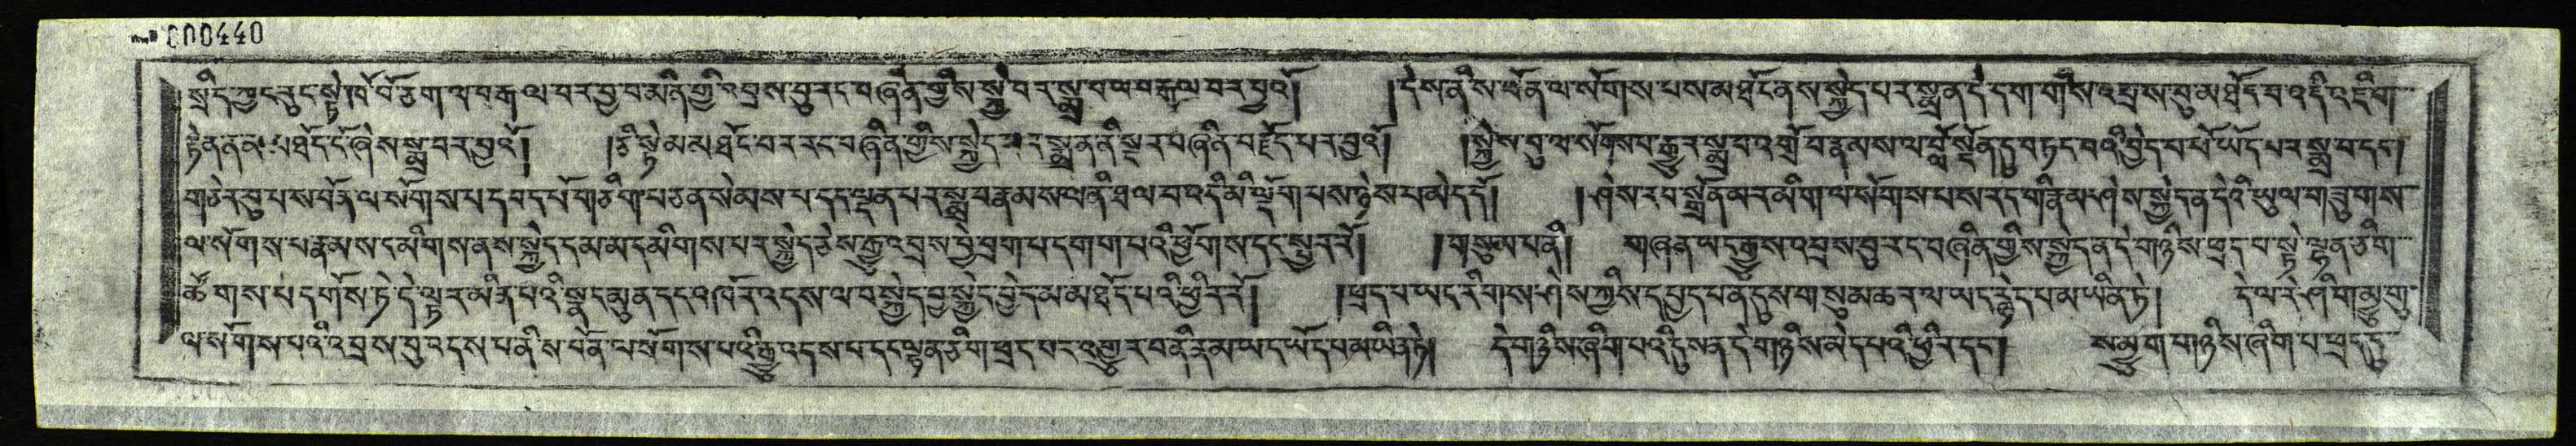སྲིད་ཀྱང་རུང་སྟེ་ཁོ་བོ་ཅག་ལ་བརྒལ་བར་བྱ་བ་མིན་གྱི་འབྲས་བུ་རང་བཞིན་གྱིས་སྐྱེ་བར་སྨྲ་བ་ལ་བརྒལ་བར་བྱའོ། །དེས་ནི་ས་བོན་ལ་སོགས་པས་མཐོང་ནས་སྐྱེད་པར་སྨྲ་ན་དེ་དག་གིས་འབྲས་བུ་མཐོང་བ་འདི་འཇིག་
རྟེན་ན་མ་མཐོང་ངོ་ཞེས་སྨྲ་བར་བྱའོ། །ཅི་སྟེ་མ་མཐོང་བར་རང་བཞིན་གྱིས་སྐྱེད་པར་སྨྲ་ན་ནི་སྔར་བཞིན་བརྗོད་པར་བྱའོ། །སྐྱེས་བུ་ལ་སོགས་པ་རྒྱུར་སྨྲ་བ་འགྲོ་བ་རྣམས་ལ་བློ་སྔོན་དུ་བཏང་བའི་བྱེད་པ་པོ་ཡོད་པར་སྨྲ་བ་དང་།
གཅེར་བུ་པ་ས་བོན་ལ་སོགས་པ་དབང་པོ་གཅིག་པ་ཅན་སེམས་པ་དང་ལྡན་པར་སྨྲ་བ་རྣམས་ལ་ནི་ཐལ་བ་འདི་མི་ལྡོག་པས་ཉེས་པ་མེད་དོ། །ཤེས་རབ་སྒྲོན་མར་མིག་ལ་སོགས་པས་རང་གི་རྣམ་ཤེས་སྐྱེད་ན་དེའི་ཡུལ་གཟུགས་
ལ་སོགས་པ་རྣམས་དམིགས་ནས་སྐྱེད་དམ་མ་དམིགས་པར་སྐྱེད་ཅེས་རྒྱུ་འབྲས་བྱེ་བྲག་པ་དགག་པའི་ཕྱོགས་དང་སྦྱར་རོ། །གསུམ་པ་ནི། གཞན་ཡང་རྒྱུས་འབྲས་བུ་རང་བཞིན་གྱིས་སྐྱེད་ན་དེ་གཉིས་ཕྲད་པ་སྟེ་ལྷན་ཅིག་
ཚོགས་པ་དགོས་ཏེ་དེ་ལྟར་མིན་པའི་སྣང་མུན་དང་འཁོར་འདས་ལ་བསྐྱེད་བྱ་སྐྱེད་བྱེད་མ་མཐོང་པའི་ཕྱིར་རོ། །ཕྲད་པ་ཡང་རིགས་ཤེས་ཀྱིས་དཔྱད་པ་ན་དུས་གསུམ་ཆབ་ལ་ཡང་རྙེད་པ་མ་ཡིན་ཏེ། དེ་ལ་རེ་ཤིག་མྱུ་གུ་
ལ་སོགས་པའི་འབྲས་བུ་འདས་པ་ནི་ས་བོན་ལ་སོགས་པའི་རྒྱུ་འདས་པ་དང་ལྷན་ཅིག་ཕྲད་པར་འགྱུར་བ་ནི་ནམ་ཡང་ཡོད་པ་མ་ཡིན་ཏེ། དེ་གཉིས་ཞིག་པའི་དུས་ན་དེ་གཉིས་མེད་པའི་ཕྱིར་དང་། ས་མྱུག་གཉིས་ཞིག་པ་ཕྲད་དུ་